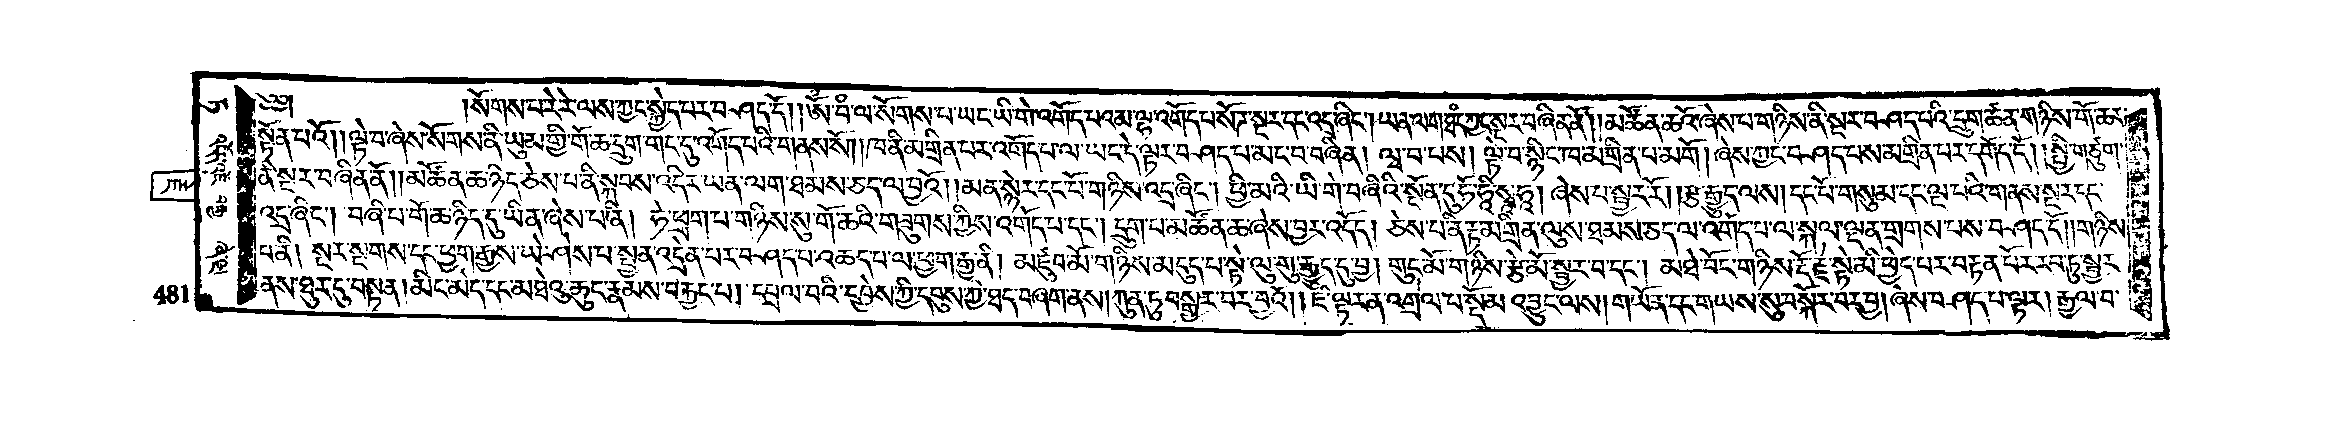༄༅། །སོགས་པ་རེ་རེ་ལས་ཀྱང་སྐྱེད་པར་བཤད་དོ། །ཨོཾ་བཾ་ལ་སོགས་པ་ཡང་ཡི་གེ་འགོད་པའམ་ལྷ་འགོད་པ་སོགས་སྔར་དང་འདྲ་ཞིང་། ཡན་ལག་ཐམས་ཅད་ཀྱང་སྔར་བཞིན་ནོ། །མཚོན་ཆའོ་ཞེས་པ་གཉིས་ནི་སྔར་བཤད་པའི་དྲུག་ཚན་གཉིས་གེ་ཆད་
སྟོན་པའོ། །ལྟེ་བ་ཞེས་སོགས་ནི་ཡུམ་གྱི་གོ་ཆ་དྲུག་གང་དུ་འགོད་པའི་གནས་སོ། །ཁ་ནི་མགྲིན་པར་འགོད་པ་ལ་ཡང་དེ་ལྟར་བཤད་པ་མང་བ་བཞིན། ལྭ་བ་པས། ལྟེ་བ་སྙིང་ཁ་མགྲིན་པ་མགོ། ཞེས་ཀྱང་བཤད་པས་མགྲིན་པར་དགོད་དོ། །སྤྱི་གཙུག་
ནི་སྔར་བཞིན་ནོ། །མཚོན་ཆ་ཉིད་ཅེས་པ་ནི་སྐབས་འདིར་ཡན་ལག་ཐམས་ཅད་ལ་བའོ། །མན་སྙེར་དང་པོ་གཉིས་འདྲ་ཞིང་། ཕྱི་མའི་ཡི་གེ་བཞིའི་སྔོན་དུ་ཧོ་ཧཱི་སྭཱ་ཧཱ། ཞེས་པ་སྦྱར་རོ། །རྩ་རྒྱུད་ལས། དང་པོ་གསུམ་དང་ལྔ་པའི་གནས་སྔར་དང་
འདྲ་ཞིང་། བཞི་པ་གོ་ཆ་ཉིད་དུ་ཡིན་ཞེས་པ་ནི། ཧེ་ཕྲག་པ་གཉིས་སུ་གོ་ཆའི་གཟུགས་ཀྱིས་འགོད་པ་དང་། དྲུག་པ་མཚོན་ཆ་ཞེས་བྱར་འདོད། ཅེས་པ་ནི་རྟ་མགྲིན་ལུས་ཐམས་ཅད་ལ་འགོད་པ་ལ་སྐལ་ལྡན་གྲགས་པས་བཤད་དོ། །གཉིས་
པ་ནི། སྔར་སྔགས་དང་ཕྱག་རྒྱས་ཡེ་ཤེས་པ་སྤྱན་འདྲེན་པར་བཤད་པ་འཆད་པ་ལ་ཕྱག་རྒྱ་ནི། མཛུབ་མོ་གཉིས་མདུད་པ་སྟེ་ལུ་གུ་རྒྱུད་དུ་བྱ། གུང་མོ་གཉིས་རྩེ་མོ་སྦྱར་བ་དང་། མཐེ་བོང་གཉིས་རྡོ་རྗེ་སྟེ་མི་ཕྱེད་པར་བརྟན་པོར་རབ་ཏུ་སྦྱར་
ནས་ཐུར་དུ་བསྟན། མིང་མེད་དང་མཐེའུ་ཆུང་རྣམས་བརྐྱང་པ། དཔྲལ་བའི་དབྱེས་ཀྱི་དབུས་ཀྱི་ཐད་བཞག་ནས། ཀུན་ཏུ་བསྒྱུར་བར་བྱའོ། །ཇི་ལྟར་ན་འགྲེལ་པ་སྡོམ་འབྱུང་ལས། གཡོན་དང་གཡས་སུ་བསྐོར་བར་བྱ། ཞེས་བཤད་པ་ལྟར། རྒྱལ་བ་